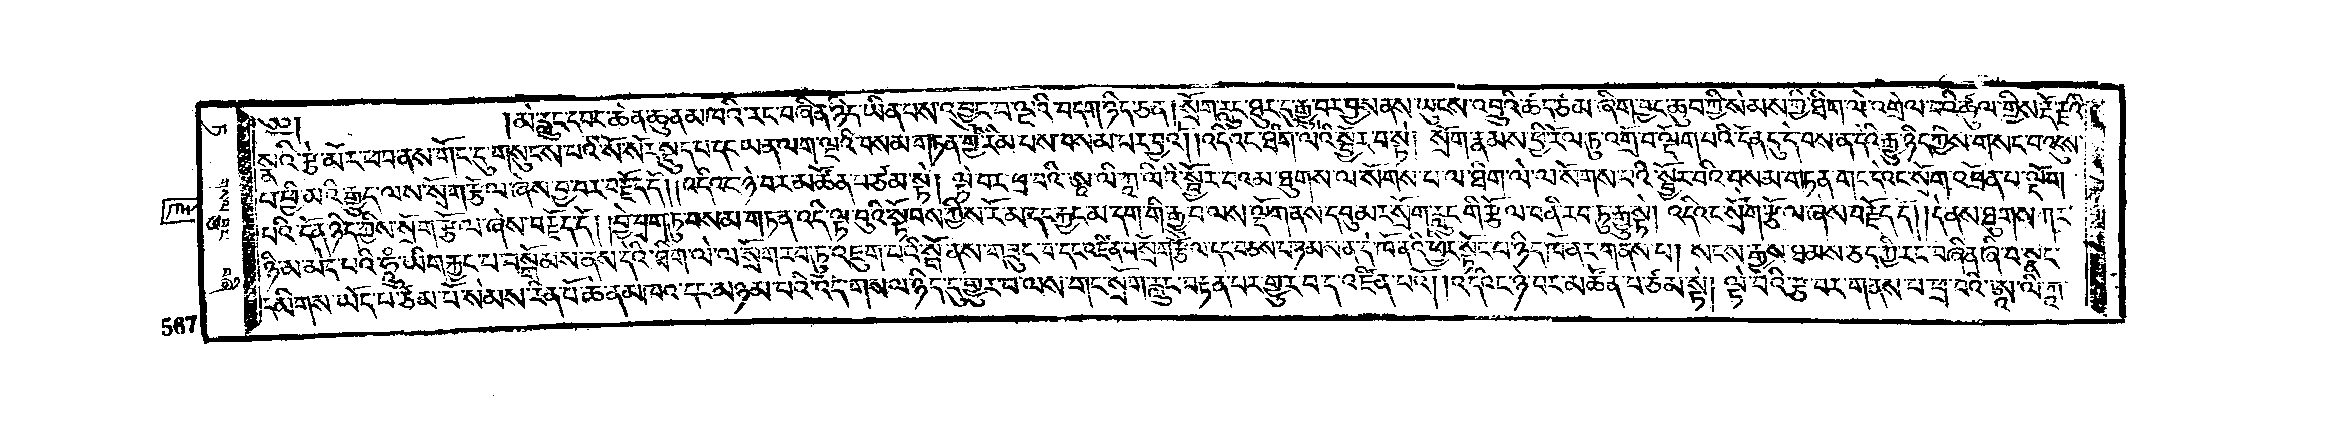༄༅། །མེ་རླུང་དབང་ཆེན་ཆུ་ནམ་མཁའི་རང་བཞིན་ཉིད་ཡིན་པས་འབྱུང་བ་ལྔའི་བདག་ཉིད་ཅན། སྲོག་རླུང་ཐུར་དུ་རྒྱུ་བར་བྱས་ནས་ཡུངས་འབྲུའི་ཚད་ཙམ་ཞིག་བྱང་ཆུབ་ཀྱི་སེམས་ཀྱི་ཐིག་ལེ་འགྲིལ་བའི་ཚུལ་གྱིས་རྡོ་རྗེའི་
སྣའི་རྩེ་མོར་ཕབ་ནས་གོང་དུ་གསུངས་པའི་སོ་སོར་སྡུད་པ་དང་ཡན་ལག་ལྔའི་བསམ་གཏན་གྱི་རིམ་པས་བསམ་པར་བྱའོ། །འདིའང་ཐིག་ལེའི་སྦྱོར་བ་སྟེ། སྲོག་རྣམས་ཕྱི་རོལ་ཏུ་འགྲོ་བ་ལྡོག་པའི་དོན་དུ་དེ་བས་ན་དེའི་རྒྱུ་ཉིད་ཀྱིས་གསང་བ་འདུས་
པ་ཕྱི་མའི་རྒྱུད་ལས་སྲོག་རྩོལ་ཞེས་བྱ་བར་བརྗོད་དོ། །འདིའང་ཉེ་བར་མཚོན་པ་ཙམ་སྟེ། ལྟེ་བར་ཕྲ་བའི་ཨཱ་ལི་ཀཱ་ལིའི་སྦྱོར་བའམ་ཐུགས་ལ་སོགས་པ་ལ་ཐིག་ལེ་ལ་སོགས་པའི་སྦྱོར་བའི་བསམ་གཏན་གང་དེའང་སྲོག་འཐོན་པ་ལྡོག་
པའི་དོན་ཉིད་ཀྱིས་སྲོག་རྩོལ་ཞེས་བརྗོད་དོ། །བྱེ་བྲག་ཏུ་བསམ་གཏན་འདི་ལྟ་བུའི་སྟོབས་ཀྱིས་རོ་མ་དང་རྐྱང་མ་དག་གི་རྒྱུ་བ་ལས་ལྡོག་ནས་དབུ་མར་སྲོག་རླུང་གི་རྩོལ་བ་ནི་རབ་ཏུ་རྒྱུ་སྟེ། འདིའང་སྲོག་རྩོལ་ཞེས་བརྗོད་དོ། །དེ་ནས་ཐུགས་ཀར་
ཉི་མ་མེད་པའི་ཧཱུཾ་ཡིག་རྐྱང་པ་བསྒོམས་ནས་དེའི་ཐིག་ལེ་ལ་སྲོག་རབ་ཏུ་འཇུག་པའི་སྒོ་ནས་གཟུང་བ་དང་འཛིན་པ་སྲོག་རྩོལ་དང་བཅས་པ་ཉམས་ན་དེ་ཁོ་ནའི་ཕྱིར་སྟོང་པ་ཉིད་ཁོ་ནར་གནས་པ། སངས་རྒྱས་ཐམས་ཅད་ཀྱི་རང་བཞིན་ཞི་བ་སྣང་
དམིགས་ཡོད་པ་ཙམ་པོ་སེམས་རིན་པོ་ཆེ་ནམ་མཁའ་དང་མཉམ་པའི་འོད་གསལ་ཉིད་དུ་གྱུར་བ་ལས་གང་སྲོག་རླུང་བརྟན་པར་གྱུར་བ་ད་འཛིན་པའོ། །འདིའང་ཉེ་བར་མཚོན་པ་ཙམ་སྟེ། ལྟེ་བའི་རྩ་བར་གནས་པ་ཕྲ་བའི་ཨཱ་ལི་ཀཱ་